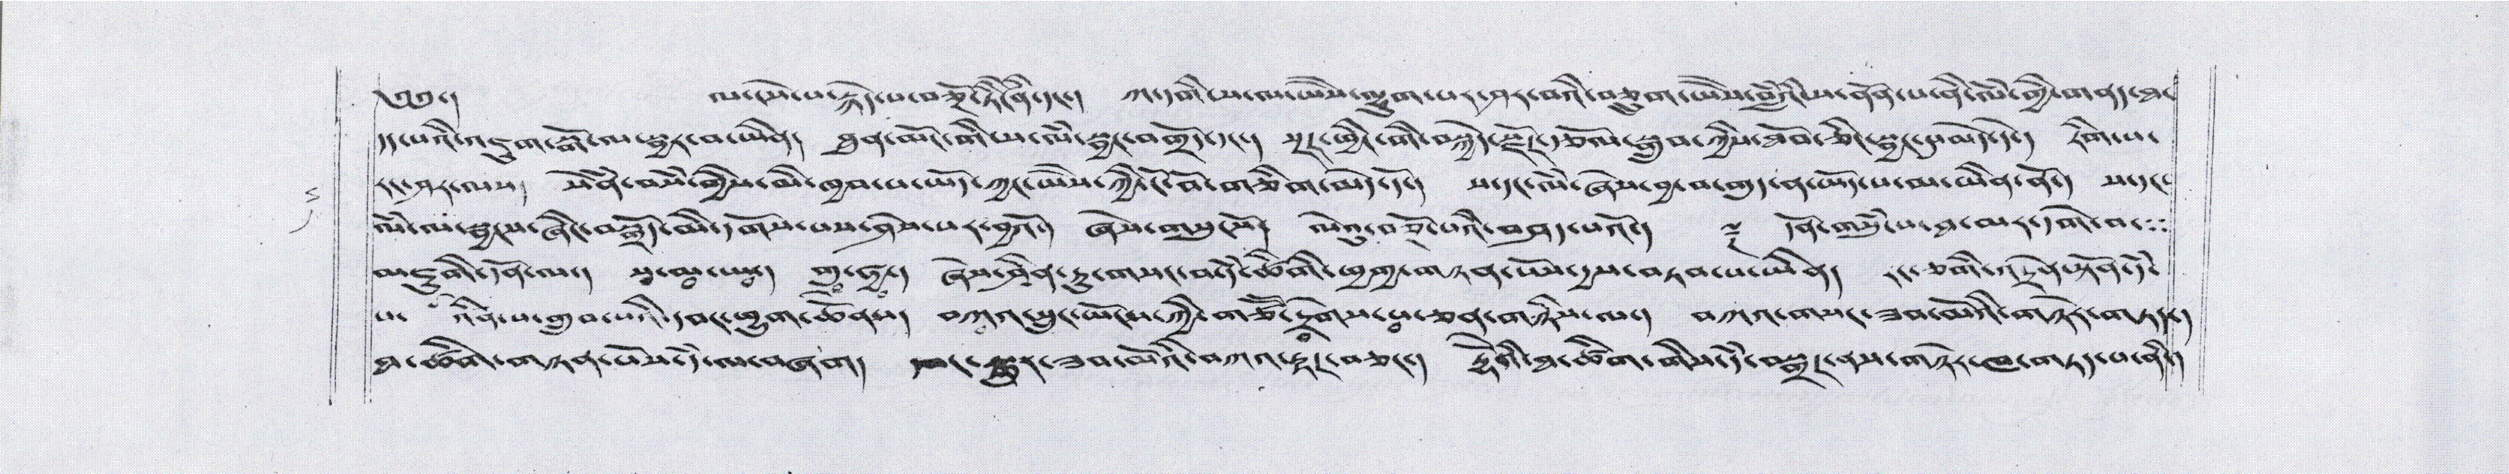ལ་ངེས་པ་རྙེད་པ་བཅོ་ལྔ་ཏིང་ངེ་འཛིན་དང་། ཀ་དག་གི་ས་ལ་ཡེ་ཤེས་ལྷུག་པར་ཤར་བའི་བཅུ་དྲུག་ཡེ་ཤེས་བླ་མའི་ས་ནོན་པ་ནི་ལམ་གྱི་གནད་ཐ་
དད་པའི་འཇུག་སྒོ་ལ་སྦྱར་བ་ཡིན། ཐུན་མོང་གི་ས་ལམ་སྦྱང་བགྲོད་དང་། སྔགས་ཕྱི་ནང་གི་བསྐྱེད་རྫོགས་རྩོལ་སྒྲུབ་ཀྱིས་ཐོབ་ཅིང་སྦྱང་དུ་མེད་དེ། རིག་པ་
རང་ཤར་ལས། སེམས་ཅན་བསམ་གྱིས་མི་ཁྱབ་པ་ཡོད་ཀྱང་ཡེ་ཤེས་ཀྱི་ངོ་བོ་གཅིག་༼༽མེད་དོ། ས་དང་ལམ་ཞེས་བྱ་བ་གུད་ན་ཡོད་པ་མ་ཡིན་ནོ། ས་དང་
ལམ་ལ་བགྲོད་མི་དགོས་པས་ཤེས་པར་བྱའོ། ཞེས་གསུངས་སོ། ལེའུ་བཅོ་ལྔ་པའི་བཤད་པའོ། །དོན་གསུམ་པ་ཐ་མར་དགེ་བ་
མཇུག་གི་དོན་ལ། ས་མ་ཡ། གུ་ཧྱ། ཞེས་ཤིན་ཏུ་གསང་བ་དམ་ཚིག་གི་ཕྱག་རྒྱ་གཉན་པོས་རྒྱས་བཏབ་པ་ཡིན། རང་ཅག་གི་འདྲེན་སྟོན་དམ་
པ། འཛིན་པ་གྲུབ་པའི་དབང་ཕྱུག་ཆེན་པོས་བཀའ་སྲུང་ཡོངས་ཀྱི་གཙོ་བོ་དྲེགས་པ་ཅན་གཉིས་ལ། བཀའ་གསང་ཟབ་མོའི་གཉེར་གཏད། 
ཐ་ཚིག་གཉེན་པོས་དམ་ལ་བཞག དབང་བསྐུར་ཟབ་མོའི་བཀའ་རྟགས་བཅང་། རྡོ་རྗེའི་ཐ་ཚིག་གི་དམ་བསྒྲགས་ནས་གཉེར་ཁ་གཏད་པ་ནི།